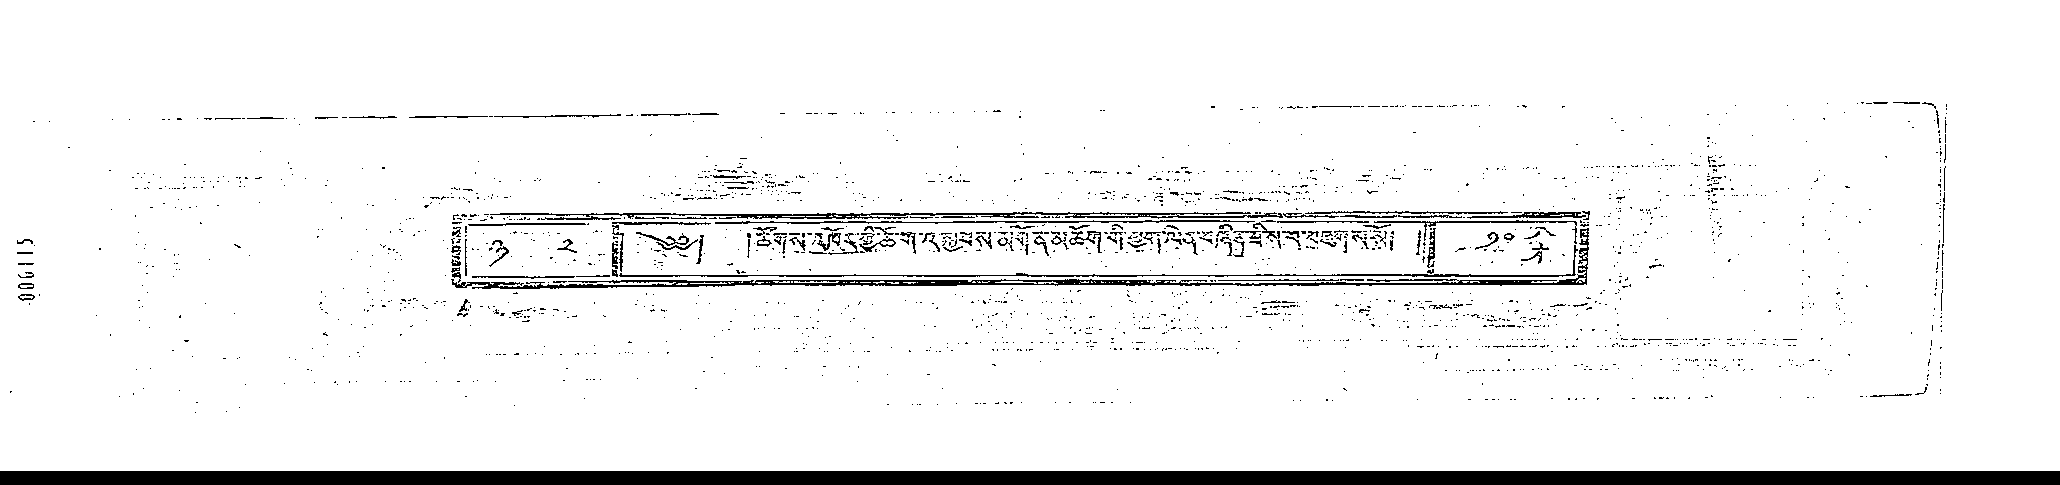ཏ ༨?
ཉ ༨་༄༅། །ཚོགས་འཁོར་གྱི་ཆོ་ག་༧་སྐྱབས་མགོན་མཆོག་གི་ཕྱག་ལེན་བཞིན་བྲིས་པ་བཞུགས་སོ། ། ༡༠